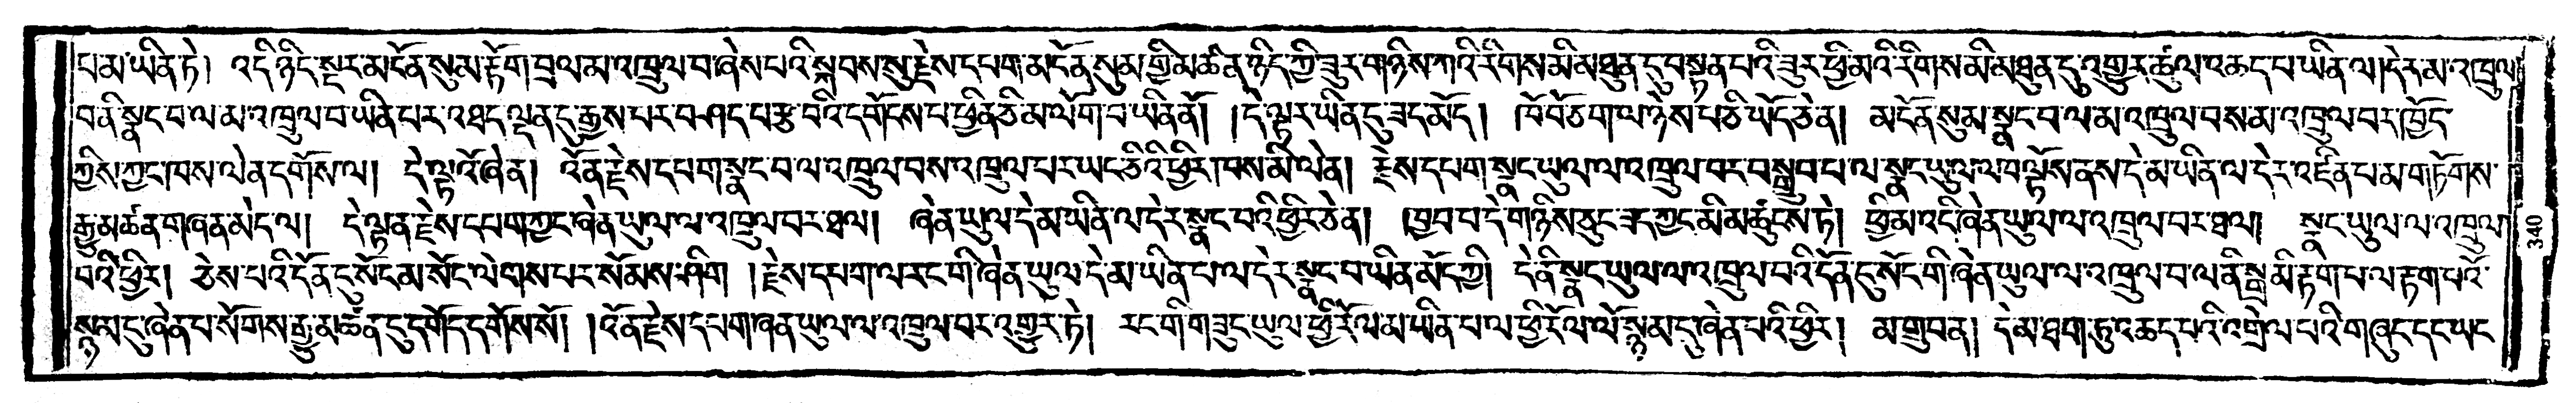པ་མ་ཡིན་ཏེ། འདི་ཉིད་སྔར་མངོན་སུམ་རྟོག་བྲལ་མ་འཁྲུལ་བ་ཞེས་པའི་སྐབས་སུ་རྗེས་དཔག་མངོན་སུམ་གྱི་མཚན་ཉིད་ཀྱི་ཟུར་གཉིས་ཀའི་རིགས་མི་མཐུན་དུ་བསྟན་པའི་ཟུར་ཕྱི་མའི་རིགས་མི་མཐུན་དུ་འགྱུར་ཚུལ་འཆད་པ་ཡིན་ལ། དེར་མ་འཁྲུལ་
པ་ནི་སྣང་བ་ལ་མ་འཁྲུལ་བ་ཡིན་པར་འཐད་ལྡན་དུ་རྒྱས་པར་བཤད་པ་རྩ་བའི་དགོངས་པ་ཕྱིན་ཅི་མ་ལོག་པ་ཡིན་ནོ། །དེ་ལྟར་ཡིན་དུ་ཟད་མོད། ཁོ་བོ་ཅག་ལ་ཉེས་པ་ཅི་ཡོད་ཅེ་ན། མངོན་སུམ་སྣང་བ་ལ་མ་འཁྲུལ་བས་མ་འཁྲུལ་བར་ཁྱོད་
ཀྱིས་ཀྱང་ཁས་ལེན་དགོས་ལ། དེ་ལྟའོ་ཞེ་ན། འོ་ན་རྗེས་དཔག་སྣང་བ་ལ་འཁྲུལ་པས་འཁྲུལ་པར་ཡང་ཅིའི་ཕྱིར་ཁས་མི་ལེན། རྗེས་དཔག་སྣང་ཡུལ་ལ་འཁྲུལ་བར་བསྒྲུབ་པ་ལ་སྣང་ཡུལ་ལ་བལྟོས་ནས་དེ་མ་ཡིན་ལ་དེར་འཛིན་པ་མ་གཏོགས་
རྒྱུ་མཚན་གཞན་མེད་ལ། དེ་ལྟ་ན་རྗེས་དཔག་ཀྱང་ཞེན་ཡུལ་ལ་འཁྲུལ་བར་ཐལ། ཞེན་ཡུལ་དེ་མ་ཡིན་ལ་དེར་སྣང་བའི་ཕྱིར་ཅེ་ན། ཁྱབ་པ་དེ་གཉིས་ཅུང་ཟད་ཀྱང་མི་མཚུངས་ཏེ། ཕྱི་མ་འདི་ཞེན་ཡུལ་ལ་འཁྲུལ་བར་ཐལ། སྣང་ཡུལ་ལ་འཁྲུལ་
པའི་ཕྱིར། ཅེས་པའི་དོན་དུ་སོང་མ་སོང་ལེགས་པར་སོམས་ཤིག །རྗེས་དཔག་ལ་རང་གི་ཞེན་ཡུལ་དེ་མ་ཡིན་པ་ལ་དེར་སྣང་བ་ཡིན་མོད་ཀྱི། དེ་ནི་སྣང་ཡུལ་ལ་འཁྲུལ་བའི་དོན་དུ་སོང་གི་ཞེན་ཡུལ་ལ་འཁྲུལ་བ་ལ་ནི་སྒྲ་མི་རྟག་པ་ལ་རྟག་པའོ་
སྙམ་དུ་ཞེན་པ་སོགས་རྒྱུ་མཚན་དུ་དགོད་དགོས་སོ། །འོ་ན་རྗེས་དཔག་ཞན་ཡུལ་ལ་འཁྲུལ་བར་འགྱུར་ཏེ། རང་གི་གཟུང་ཡུལ་ཕྱི་རོལ་མ་ཡིན་པ་ལ་ཕྱི་རོལ་ལོ་སྙམ་དུ་ཞེན་པའི་ཕྱིར། མ་གྲུབ་ན། དེ་མ་ཐག་ཏུ་འཆད་པའི་འགྲེལ་པའི་གཞུང་དང་ཡང་